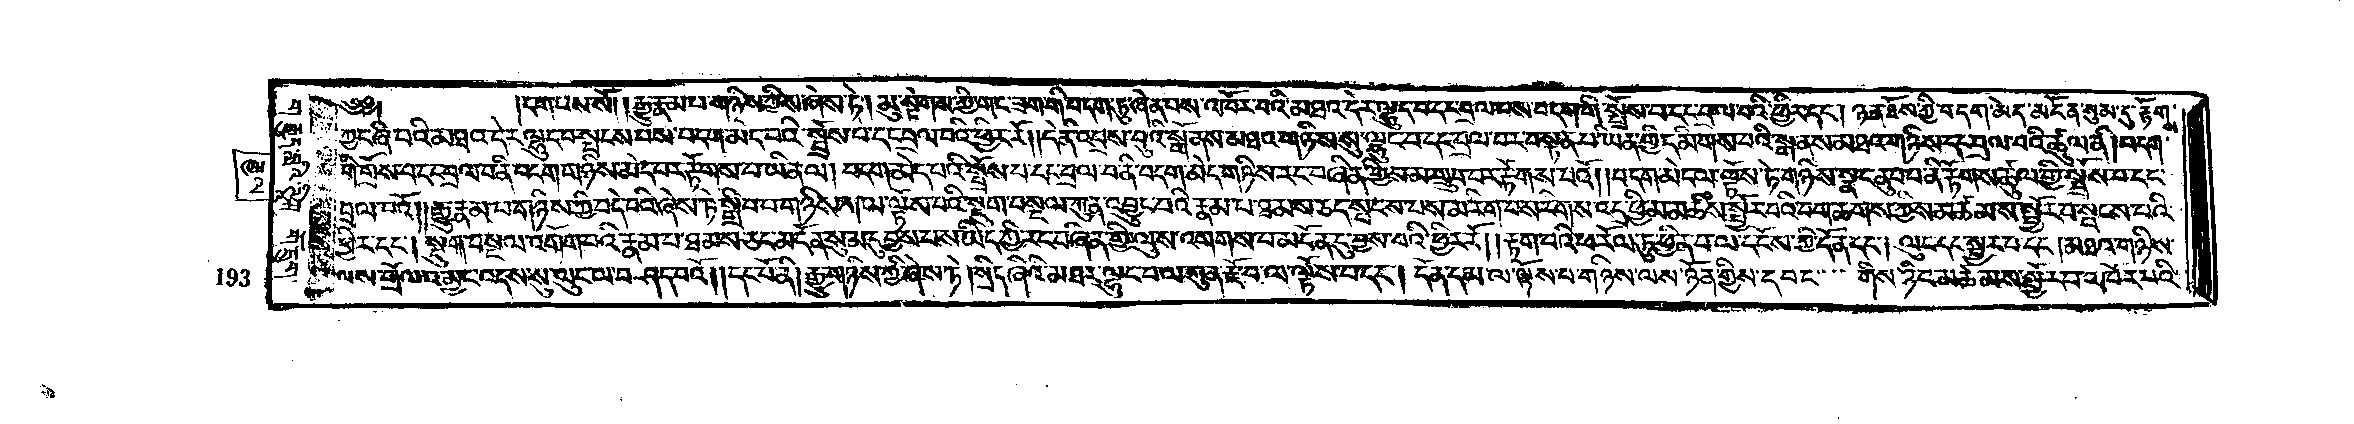༄༅། །དག་པས་སོ། །རྒྱུ་རྣམ་པ་གཉིས་ཀྱིས་ཞེས་ཏེ། མུ་སྟེགས་ཀྱི་གང་ཟག་གི་བདག་ཏུ་ཞེན་པས་འཁོར་བའི་མཐའ་དེར་ལྷུང་བ་དང་བྲལ་བས་བདག་གི་སྤྲོས་པ་དང་བྲལ་བའི་ཕྱིར་དང་། ཉན་ཐོས་ཀྱི་བདག་མེད་མངོན་སུམ་དུ་རྟོགས་
ཀྱང་ཞི་བའི་མཐའ་དེར་ལྷུང་བ་སྤངས་པས་བདག་མེད་པའི་སྤྲོས་པ་དང་བྲལ་བའི་ཕྱིར་རོ། །དེ་ནི་འབྲས་བུའི་སྒོ་ནས་མཐའ་གཉིས་སུ་ལྷུང་བ་དང་བྲལ་བར་བསྟན་པ་ཡིན་གྱི་དམིགས་པའི་སྒོ་ནས་མཐའ་གཉིས་དང་བྲལ་བའི་ཚུལ་ནི། བདག་
གི་གྲོས་པ་དང་བྲལ་བ་ནི་བདག་གཉིས་མེད་པར་རྟོགས་པ་ཡིན་ལ། བདག་མེད་པའི་སྤྲོས་པ་དང་བྲལ་བའི་ནི་བདག་མེད་གཉིས་རང་བཞིན་གྱིས་མ་གྲུབ་པར་རྟོགས་པའོ། །བདག་མེད་ལ་ལྟོས་ཏེ་གཉིས་སྣང་ནུབ་པ་ནི་རྟོགས་ཚུལ་གྱི་སྤྲོས་པ་དང་
བྲལ་བའོ། །རྒྱུ་རྣམ་པ་གཉིས་ཀྱི་བདེ་བའི་ཞེས་ཏེ་སྒྲིབ་པ་གཉིས་ཀ་ལ་ལྟོས་པའི་སྡུག་བསྔལ་ཀུན་འབྱུང་བའི་རྣམ་པ་ཐམས་ཅད་སྤངས་པས་མ་རིག་པས་རིགས་འདྲ་ཕྱི་མ་མཆིས་སྦྱོར་བའི་བག་ཆགས་ཀྱིས་མཚམས་སྦྱོར་བ་སྤངས་པའི་
ཕྱིར་དང་། སྡུག་བསྔལ་འགོག་པའི་རྣམ་པ་ཐམས་ཅད་མངོན་སུམ་དུ་བྱས་པས་ཡིད་ཀྱི་རང་བཞིན་གྱི་ལུས་འགགས་པ་མངོན་དུ་བྱས་པའི་ཕྱིར་རོ། །རྟག་པའི་ཕ་རོལ་ཏུ་ཕྱིན་པ་ལ་དངོས་ཀྱི་དོན་དང་། ལུང་དང་སྦྱར་བ་དང་། མཐའ་གཉིས་
ལས་གྲོལ་བ་མྱང་འདས་སུ་ལུང་ལ་བཤད་པའོ། །དང་པོ་ནི། རྒྱུ་གཉིས་ཀྱི་ཞེས་ཏེ། སྲིད་ཞིའི་མཐར་ལྷུང་བ་ལ་ཀུན་རྫོབ་ལ་ལྟོས་པ་དང་། དོན་དམ་ལ་ལྟོས་པ་གཉིས་ལས་ཉོན་གྱིས་དབང་གིས་ཉིད་མཚམས་སྦྱོར་བ་འཁོར་བའི་